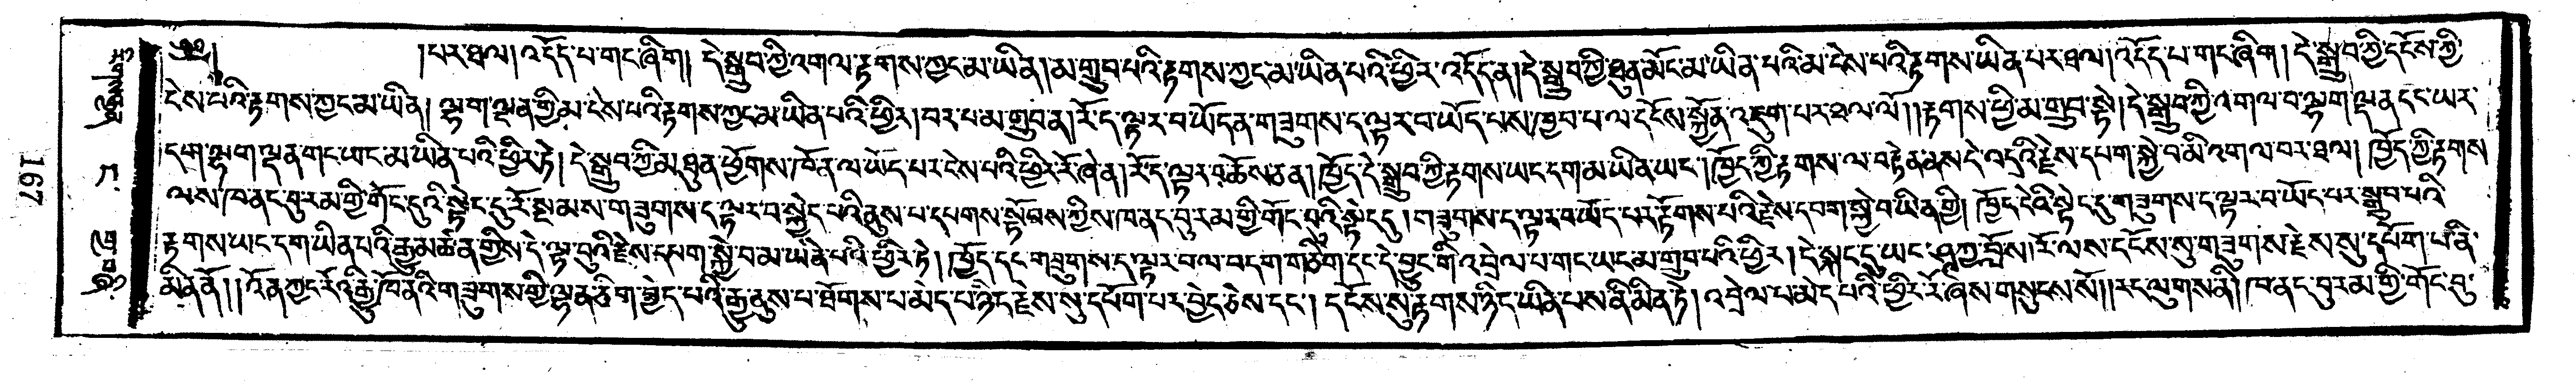༄༅། །པར་ཐལ། འདོད་པ་གང་ཞིག །དེ་སྒྲུབ་ཀྱི་འགལ་རྟགས་ཀྱང་མ་ཡིན། མ་གྲུབ་པའི་རྟགས་ཀྱང་མ་ཡིན་པའི་ཕྱིར་འདོད་ན། དེ་སྒྲུབ་ཀྱི་ཐུན་མོང་མ་ཡིན་པའི་མ་ངེས་པའི་རྟགས་ཡིན་པར་ཐལ། འདོད་པ་གང་ཞིག །དེ་སྒྲུབ་ཀྱི་དངོས་ཀྱི་མ་
ངེས་པའི་རྟགས་ཀྱང་མ་ཡིན། ལྷག་ལྡན་གྱི་མ་ངེས་པའི་རྟགས་ཀྱང་མ་ཡིན་པའི་ཕྱིར། བར་པ་མ་གྲུབ་ན། རོ་?་ད་ལྟར་བ་ཡོད་ན་གཟུགས་ད་ལྟར་བ་ཡོད་པས་ཁྱབ་པ་ལ་དངོས་སྐྱོན་འཇུག་པར་ཐལ་ལོ། །རྟགས་ཕྱི་མ་གྲུབ་སྟེ། དེ་སྒྲུབ་ཀྱི་འགལ་བ་ལྷག་ལྡན་དང་ཡང་
དག་ལྷག་ལྡན་གང་ཡང་མ་ཡིན་པའི་ཕྱིར་ཏེ། དེ་སྒྲུབ་ཀྱི་མཐུན་ཕྱོགས་ཁོ་ན་ལ་ཡོད་པར་ངེས་པའི་ཕྱིར་རོ་ཞེ་ན། རོ་ད་ལྟར་བ་ཆོས་ཅན། ཁྱོད་དེ་སྒྲུབ་ཀྱི་རྟགས་ཡང་དག་མ་ཡིན་ཡང་། ཁྱོད་ཀྱི་རྟགས་ལ་བརྟེན་ནས་དེ་འདྲའི་རྗེས་དཔག་སྐྱེ་བ་མི་འགལ་བར་ཐལ། ཁྱོད་ཀྱི་རྟགས་
ལས་ཁ་ནང་བུ་རམ་གྱི་གོང་བུའི་སྟེང་དུ་རོ་སྔ་མས་གཟུགས་ད་ལྟར་བ་སྐྱེད་པའི་ནུས་པ་དཔགས་སྟོབས་ཀྱིས་ཁ་ནང་བུ་རམ་གྱི་གོང་བུའི་སྟེང་དུ། གཟུགས་ད་ལྟར་བ་ཡོད་པར་རྟོགས་པའི་རྗེས་དཔག་སྐྱེ་བ་ཡིན་གྱི། ཁྱོད་དེའི་སྟེང་དུ་གཟུགས་ད་ལྟར་བ་ཡོད་པར་སྒྲུབ་པའི་
རྟགས་ཡང་དག་ཡིན་པའི་རྒྱུ་མཚན་གྱིས་དེ་ལྟ་བུའི་རྗེས་དཔག་སྐྱེ་བ་མ་ཡིན་པའི་ཕྱིར་ཏེ། ཁྱོད་དང་གཟུགས་ད་ལྟར་བ་ལ་བདག་གཅིག་དང་དེ་བྱུང་གི་འབྲེལ་པ་གང་ཡང་མ་གྲུབ་པའི་ཕྱིར། དེ་སྐད་དུ་ཡང་ཤཱཀྱ་བློས། རོ་ལས་དངོས་སུ་གཟུགས་རྗེས་སུ་དཔོག་པ་ནི་
མིན་ནོ། །འོན་ཀྱང་རོའི་རྒྱུ་ཁོ་ནའི་གཟུགས་ཀྱི་ལྷན་ཅིག་བྱེད་པའི་རྒྱུ་ནུས་པ་ཐོགས་པ་མེད་པ་ཉིད་རྗེས་སུ་དཔོག་པར་བྱེད་ཅེས་དང་། དངོས་སུ་རྟགས་ཉིད་ཡིན་པས་ནི་མིན་ཏེ། འབྲེལ་པ་མེད་པའི་ཕྱིར་རོ་ཞེས་གསུངས་སོ། །རང་ལུགས་ནི། ཁ་ནང་བུ་རམ་གྱི་གོང་བུ་